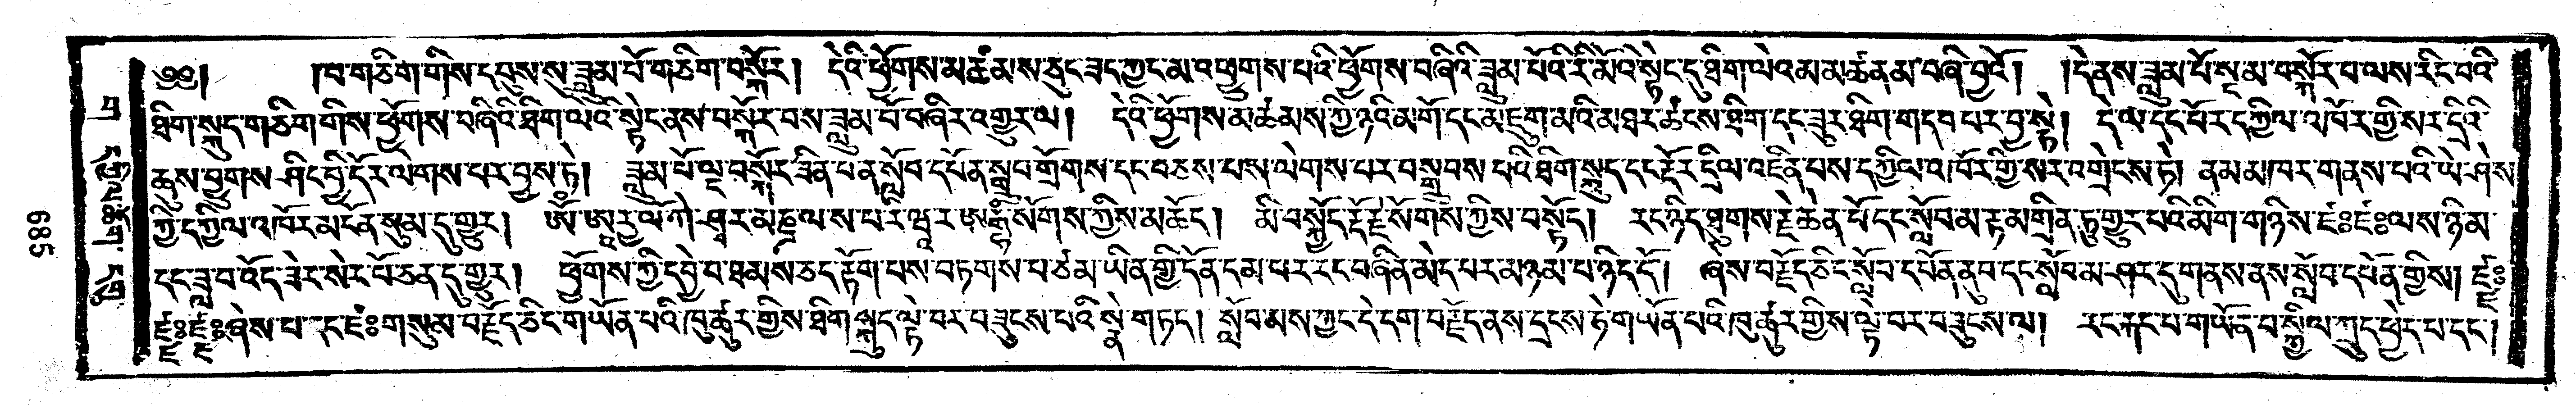༄༅། །ཁ་གཅིག་གིས་དབུས་སུ་ཟླུམ་པོ་གཅིག་བསྐོར། དེའི་ཕྱོགས་མཚམས་ཅུང་ཟད་ཀྱང་མ་འཕྱུགས་པའི་ཕྱོགས་བཞིའི་ཟླུམ་པོའི་རི་མོའི་སྟེང་དུ་ཐིག་ལེའམ་མཚན་མ་བཞི་བྱའོ། །དེ་ནས་ཟླུམ་པོ་སྔ་མ་བསྐོར་བ་ལས་རིང་བའི་
ཐིག་སྐུད་གཅིག་གིས་ཕྱོགས་བཞིའི་ཐིག་ལེའི་སྟེང་ནས་བསྐོར་བས་ཟླུམ་པོ་བཞིར་འགྱུར་ལ། དེའི་ཕྱོགས་མཚམས་ཀྱི་ཉའི་མགོ་དང་མཇུག་མའི་མཐར་ཚངས་ཐིག་དང་ཟུར་ཐིག་གདབ་པར་བྱ་སྟེ། དེ་ལ་དང་པོར་དཀྱིལ་འཁོར་གྱི་སར་དྲིའི་
ཆུས་བྱུགས་ཤིང་བྱི་དོར་ལེགས་པར་བྱས་ཏེ། ཟླུམ་པོ་ལྔ་བསྐོར་ཟིན་པ་ན་སློབ་དཔོན་སྒྲུབ་གྲོགས་དང་བཅས་པས་ལེགས་པར་བསྒྲུབས་པའི་ཐིག་སྐུད་དང་རྡོར་དྲིལ་འཛིན་པས་དཀྱིལ་འཁོར་གྱི་སར་འགྲེངས་ཏེ། ནམ་མཁར་གནས་པའི་ཡེ་ཤེས་
ཀྱི་དཀྱིལ་འཁོར་མངོན་སུམ་དུ་གྱུར། ཨོཾ་ཨཱརྱ་ལོ་ཀེ་ཤྭ་ར་མཎྜ་ལ་ས་པ་རི་ཝཱ་ར་ཨརྒྷཾ་སོགས་ཀྱིས་མཆོད། མི་བསྐྱོད་རྡོ་རྗེ་སོགས་ཀྱིས་བསྟོད། རང་ཉིད་ཐུགས་རྗེ་ཆེན་པོ་དང་སློབ་མ་རྟ་མགྲིན་ཏུ་གྱུར་པའི་མིག་གཉིས་ཛཿ ཛཿ ལས་ཉི་མ་
དང་ཟླ་བ་འོད་ཟེར་སེར་པོ་ཅན་དུ་གྱུར། ཕྱོགས་ཀྱི་དབྱེ་བ་ཐམས་ཅད་རྟོག་པས་བཏགས་པ་ཙམ་ཡིན་གྱི་དོན་དམ་པར་རང་བཞིན་མེད་པར་མཉམ་པ་ཉིད་དོ། ཞེས་བརྗོད་ཅིང་སློབ་དཔོན་ནུབ་དང་སློབ་མ་ཤར་དུ་གནས་ནས་སློབ་དཔོན་གྱིས། ཛྫཿ
ཛྫཿ ཛྫཿ ཞེས་པ་དང་ཛཿ གསུམ་བརྗོད་ཅིང་གཡོན་པའི་ཁུ་ཚུར་གྱིས་ཐིག་སྐུད་ལྟེ་བར་བཟུངས་པའི་སྣེ་གཏད། སློབ་མས་ཀྱང་དེ་དག་བརྗོད་ནས་དྲངས་ཏེ་གཡོན་པའི་ཁུ་ཚུར་གྱིས་ལྟེ་བར་བཟུངས་ལ། རང་རྐང་པ་གཡོན་པ་སྐྱིལ་ཀྲུང་ཕྱེད་པ་དང་།